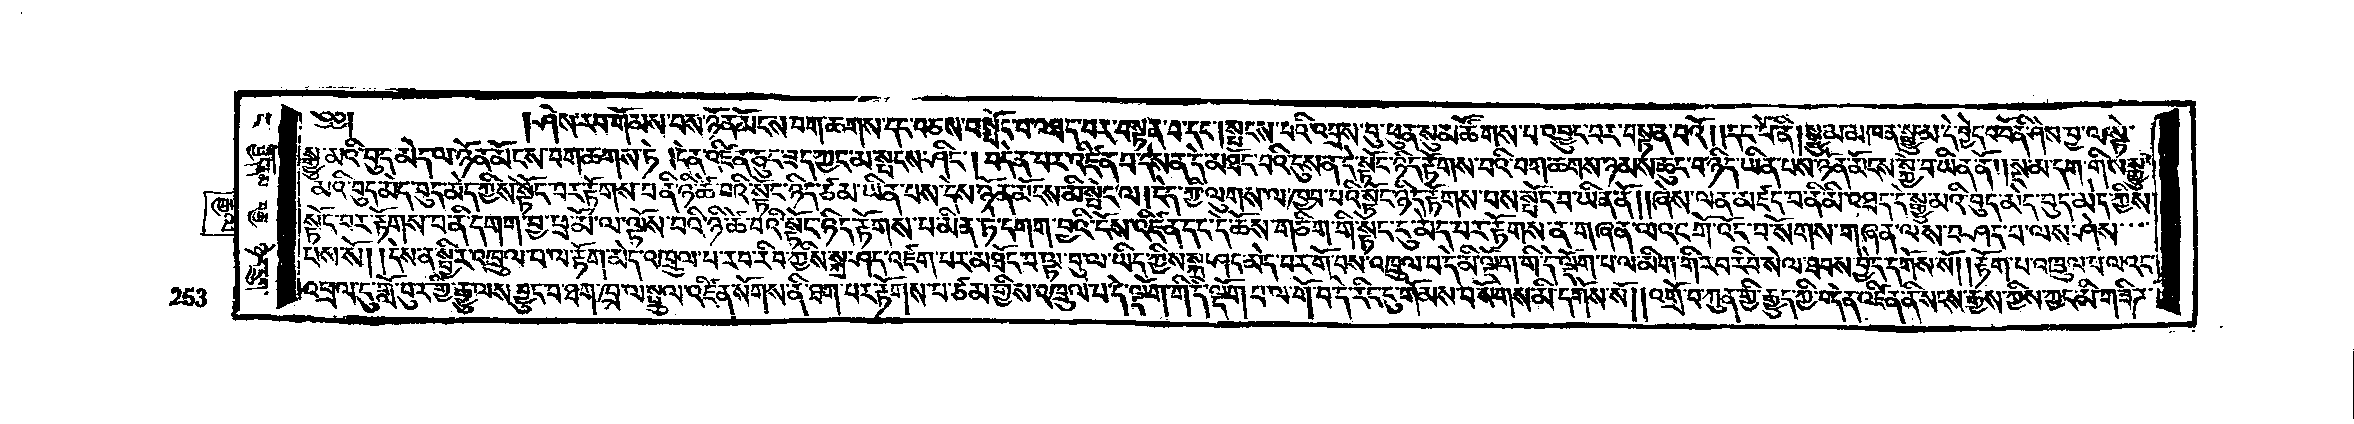༄༅། །ཤེས་རབ་གོམས་པས་ཉོན་མོངས་བག་ཆགས་དང་བཅས་པ་སྤོང་བ་འཐད་པར་བསྟན་པ་དང་། སྤངས་པའི་འབྲས་བུ་ཕུན་སུམ་ཚོགས་པ་འབྱུང་བར་བསྟན་པའོ། །དང་པོ་ནི། སྒྱུ་མ་མཁན་དེ་བྱེད་པ་པོ་ནི་ཤེས་བྱ་ལ་སྟེ་
སྒྱུ་མའི་བུད་མེད་ལ་ཉོན་མོངས་བག་ཆགས་ཏེ། དོན་འཛིན་ཅུང་ཟད་ཀྱང་མ་སྤངས་ཤིང་། བདེན་པར་འཛིན་པ་དེས་ན་དེ་མཐོང་བའི་དུས་ན་དེ་སྟོང་ཉིད་རྟོགས་པའི་བག་ཆགས་ཉམས་ཆུང་བ་ཉིད་ཡིན་པས་ཉོན་མོངས་སྐྱེ་བ་ཡིན་ནོ། །སྔ་མ་དག་གིས་སྒྱུ་
མའི་བུད་མེད་བུད་མེད་ཀྱིས་སྟོང་པར་རྟོགས་པ་ནི་ཉི་ཚེ་བའི་སྟོང་ཉིད་ཙམ་ཡིན་པས་དེས་ཉོན་མོངས་མི་སྤོང་ལ། ངེད་ཀྱི་ལུགས་ལ་ཁྱབ་པའི་སྟོང་ཉིད་རྟོགས་པས་སྤོང་བ་ཡིན་ནོ། །ཞེས་ལན་མཛད་པ་ནི་མི་འཐད་དེ་སྒྱུ་མའི་བུད་མེད་བུད་མེད་ཀྱིས་
སྟོང་པར་རྟོགས་པ་ནི་དགག་བྱ་ཕྲ་མོ་ལ་ལྟོས་པའི་ཉི་ཚེ་བའི་སྟོང་ཉིད་རྟོགས་པ་མིན་ཏེ་དགག་བྱའི་ངོས་འཛིན་དང་དེ་ཆོས་གཅིག་གི་སྟོང་དུ་མེད་པར་རྟོགས་ན་གཞན་ལའང་གོ་འོང་བ་སོགས་གཞན་ལས་བཤད་པ་ལས་ཤེས་
པས་སོ། །དེ་ན་སྤྱིར་འཁྲུལ་པ་ལ་རྟོག་མེད་འཁྲུལ་པ་རབ་རིབ་ཀྱིས་སྐྲ་ཤད་འཛག་པར་མཐོང་བ་ལྟ་བུ་ལ་ཡིད་ཀྱིས་སྐྲ་ཤད་མེད་པར་གོ་བས་འཁྲུལ་པ་དེ་མི་ལྡོག་གི་དེ་ལྡོག་པ་ལ་མིག་གི་རབ་རིབ་སེལ་ཐབས་བྱེད་དགོས་སོ། །རྟོག་པ་འཁྲུལ་པ་ལའང་
འཕྲལ་དུ་གློ་བུར་གྱི་རྒྱུ་ལས་བྱུང་བ་ཐག་ཁྲ་ལ་སྦྲུལ་འཛིན་སོགས་ནི་ཐག་པར་རྟོགས་པ་ཙམ་གྱིས་འཁྲུལ་པ་དེ་ལྡོག་གི་དེ་ལྡོག་པ་ལ་གོ་བ་དེ་རིང་དུ་གོམས་པ་སོགས་མི་དགོས་སོ། །འགྲོ་བ་ཀུན་གྱི་རྒྱུད་ཀྱི་བདེན་འཛིན་ནི་སངས་རྒྱས་ཀྱིས་ཀྱང་མི་གཟིགས་